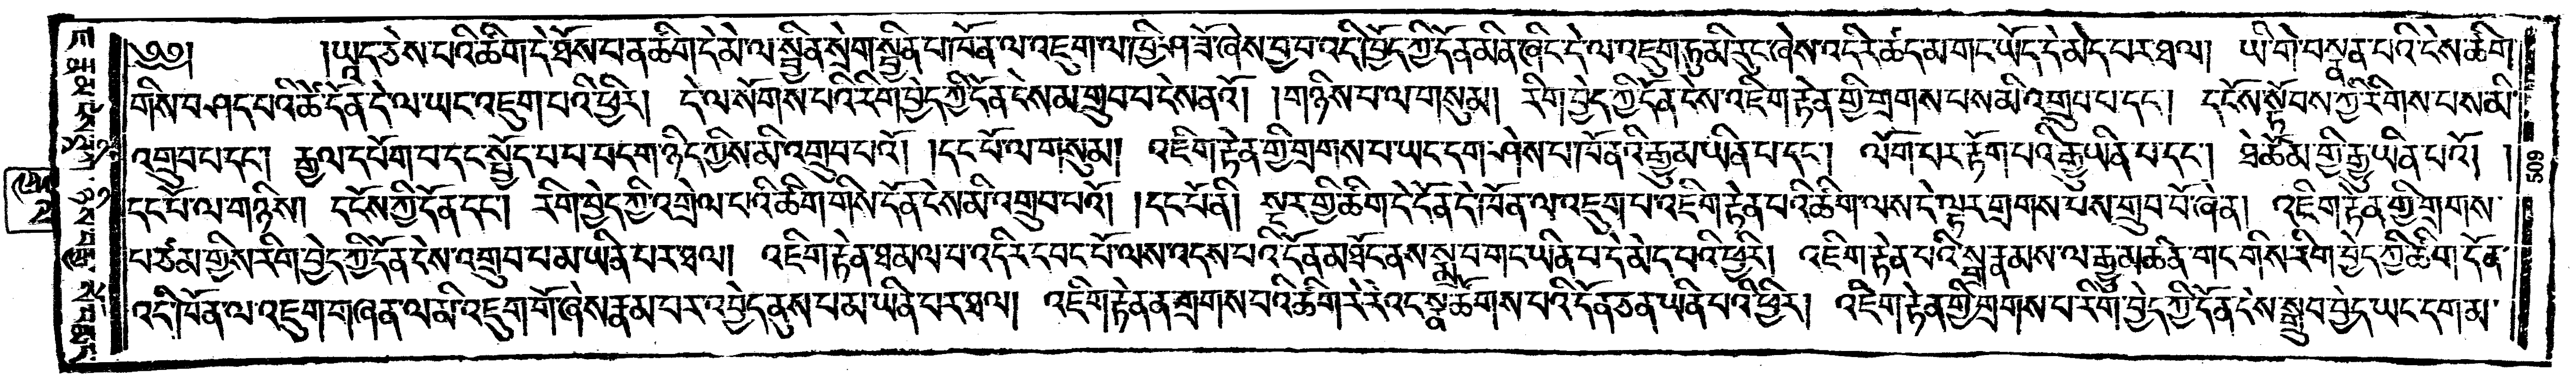༄༅། །ཡཱད་ཅེས་པའི་ཚིག་དེ་ཐོས་པ་ན་ཚིག་དེ་མེ་ལ་སྦྱིན་སྲེག་སྦྱིན་པ་ཁོ་ན་ལ་འཇུག་ལ་ཁྱི་ཤ་ཟོ་ཞེས་བྱ་བ་འདི་ཁྱོད་ཀྱི་དོན་མིན་ཞིང་དེ་ལ་འཇུག་ཏུ་མི་རུང་ཞེས་འདིར་ཚད་མ་གང་ཡོད་དེ་མེད་པར་ཐལ། ཡི་གེ་བསྣན་པའི་ངེས་ཚིག་
གིས་བཤད་པའི་ཚེ་དོན་དེ་ལ་ཡང་འཇུག་པའི་ཕྱིར། དེ་ལ་སོགས་པའི་རིག་བྱེད་ཀྱི་དོན་ངེས་མ་གྲུབ་པ་ངེས་ནའོ། །གཉིས་པ་ལ་གསུམ། རིག་བྱེད་ཀྱི་དོན་ངེས་འཇིག་རྟེན་གྱི་གྲགས་པས་མི་འགྲུབ་པ་དང་། དངོས་སྟོབས་ཀྱི་རིགས་པས་མི་
འགྲུབ་པ་དང་། རྒྱལ་དཔོག་པ་དང་སྤྱོད་པ་པ་བདག་ཉིད་ཀྱིས་མི་འགྲུབ་པའོ། །དང་པོ་ལ་གསུམ། འཇིག་རྟེན་གྱི་གྲགས་པ་ཡང་དག་ཤེས་པ་ཁོ་ནའི་རྒྱུ་མ་ཡིན་པ་དང་། ལོག་པར་རྟོག་པའི་རྒྱུ་ཡིན་པ་དང་། ཐེ་ཚོམ་གྱི་རྒྱུ་ཡིན་པའོ། །
དང་པོ་ལ་གཉིས། དངོས་ཀྱི་དོན་དང་། རིག་བྱེད་ཀྱི་འགྲེལ་པའི་ཚིག་གིས་དོན་ངེས་མི་འགྲུབ་པའོ། །དང་པོ་ནི། སྔར་གྱི་ཚིག་དེ་དོན་དེ་ཁོ་ན་ལ་འཇུག་པ་འཇིག་རྟེན་པའི་ཚིག་ལས་དེ་ལྟར་གྲགས་པས་གྲུབ་པོ་ཞེ་ན། འཇིག་རྟེན་གྱི་གྲགས་
པ་ཙམ་གྱིས་རིག་བྱེད་ཀྱི་དོན་ངེས་འགྲུབ་པ་མ་ཡིན་པར་ཐལ། འཇིག་རྟེན་ཐ་མལ་པ་འདིར་དབང་པོ་ལས་འདས་པའི་དོན་མཐོང་ནས་སྨྲ་བ་གང་ཡིན་པ་དེ་མེད་པའི་ཕྱིར། འཇིག་རྟེན་པའི་སྒྲ་རྣམས་ལ་རྒྱུ་མཚན་གང་གིས་རིག་བྱེད་ཀྱི་ཚིག་དོན་
འདི་ཁོ་ན་ལ་འཇུག་གཞན་ལ་མི་འཇུག་གོ་ཞེས་རྣམ་པར་འབྱེད་ནུས་པ་མ་ཡིན་པར་ཐལ། འཇིག་རྟེན་ན་གྲགས་པའི་ཚིག་རེ་རེའང་སྣ་ཚོགས་པའི་དོན་ཅན་ཡིན་པའི་ཕྱིར། འཇིག་རྟེན་གྱི་གྲགས་པ་རིག་བྱེད་ཀྱི་དོན་ངེས་སྒྲུབ་བྱེད་ཡང་དག་མ་